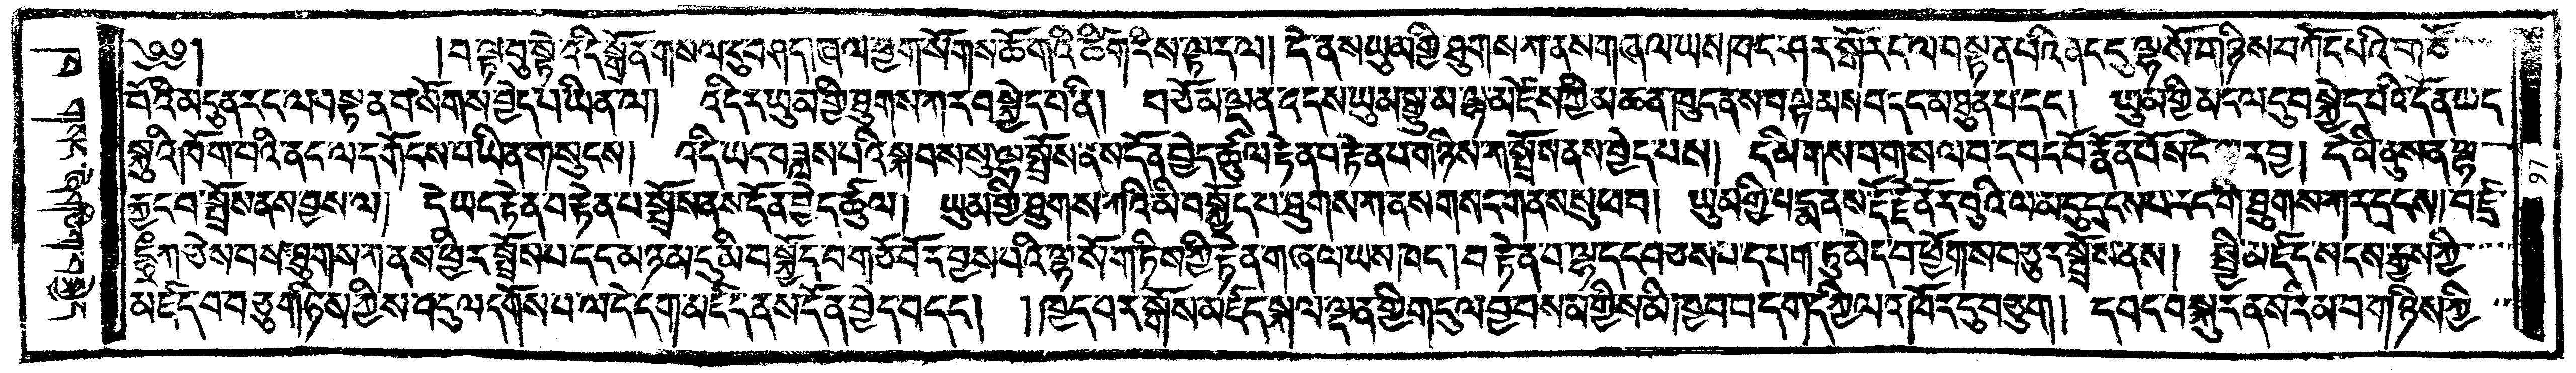༄༅། །བལྟ་བུ་སྟེ་འདི་སྒྲོན་གསལ་དུ་བཤད། ཞལ་ཕྱག་སོགས་ཆོ་གའི་ཚིག་རིས་ལྟར་ལ། དེ་ནས་ཡུམ་གྱི་ཐུགས་ཀ་ནས་གཞལ་ཡས་ཁང་ཤར་སྒོ་རང་ལ་བསྟན་པའི་ནང་དུ་ལྷ་སོ་གཉིས་བཀོད་པའི་གཙོ་
བོའི་མདུན་རང་ལ་བསྟན་པ་སོགས་བྱེད་པ་ཡིན་ལ། འདིར་ཡུམ་གྱི་ཐུགས་ཀར་བསྐྱེད་པ་ནི། བཅོམ་ལྡན་འདས་ཡུམ་སྒྱུ་མ་ལྷ་མཛེས་ཀྱི་མཆན་ཁུང་ནས་བལྟམས་པ་དང་མཐུན་པ་དང་། ཡུམ་གྱི་མངལ་དུ་བསྐྱེད་པའི་དོན་ཡང་
སྐུའི་ཁོག་པའི་ནང་ལ་དགོངས་པ་ཡིན་གསུངས། འདི་ཡང་བཟླས་པའི་སྐབས་སུ་ལྷ་སྤྲོས་ནས་དོན་བྱེད་ཚུལ་རྟེན་བརྟེན་པ་གཉིས་ཀ་སྤྲོས་ནས་བྱེད་པས། དམིགས་བ་གསལ་བ་དབང་པོ་རྣོན་པོས་དེ་གྱུར་བྱ། དེ་མི་ནུས་ན་ལྷ་
རྐྱང་བ་སྤྲོས་ནས་བྱས་ལ། དེ་ཡང་རྟེན་བརྟེན་པ་སྤྲོས་ནས་དོན་བྱེད་ཚུལ། ཡུམ་གྱི་ཐུགས་ཀའི་མི་བསྐྱོད་པ་ཐུགས་ཀ་ནས་གསང་གནས་སུ་ཕབ། ཡུམ་གྱི་པདམ་ནས་རྡོ་རྗེ་ནོར་བུའི་ལམ་དུ་དྲངས་པ་རང་གི་ཐུགས་ཀར་དྲངས། བཛྲ་
དྷྲྀཀ་ཅེས་པས་ཐུགས་ཀ་ནས་ཕྱིར་སྤྲོས་པ་དང་མཉམ་དུ་མི་བསྐྱོད་པ་གཙོ་བོར་བྱས་པའི་ལྷ་སོ་གཏིས་ཀྱི་རྟེན་གཞལ་ཡས་ཁང་། བརྟེན་པ་ལྷ་དང་བཅས་པ་དཔག་ཏུ་མེད་པ་ཕྱོགས་བཅུར་སྤྲོས་ནས། སྤྱི་མཛད་སངས་རྒྱས་ཀྱི་
མཛད་བ་བཅུ་གཉིས་ཀྱིས་བདུལ་དགོས་པ་ལ་དེ་དག་མཛད་ནས་དོན་བྱེད་པ་དང་། །ཁྱད་པར་སྒོས་མཛད་སྐལ་ལྡན་གྱི་གདུལ་བྱ་བསམ་གྱིས་མི་ཁྱབ་བདག་དཀྱིལ་འཁོར་དུ་བཅུག། དབང་བསྐུར་ནས་རིམ་བ་གཉིས་ཀྱི་